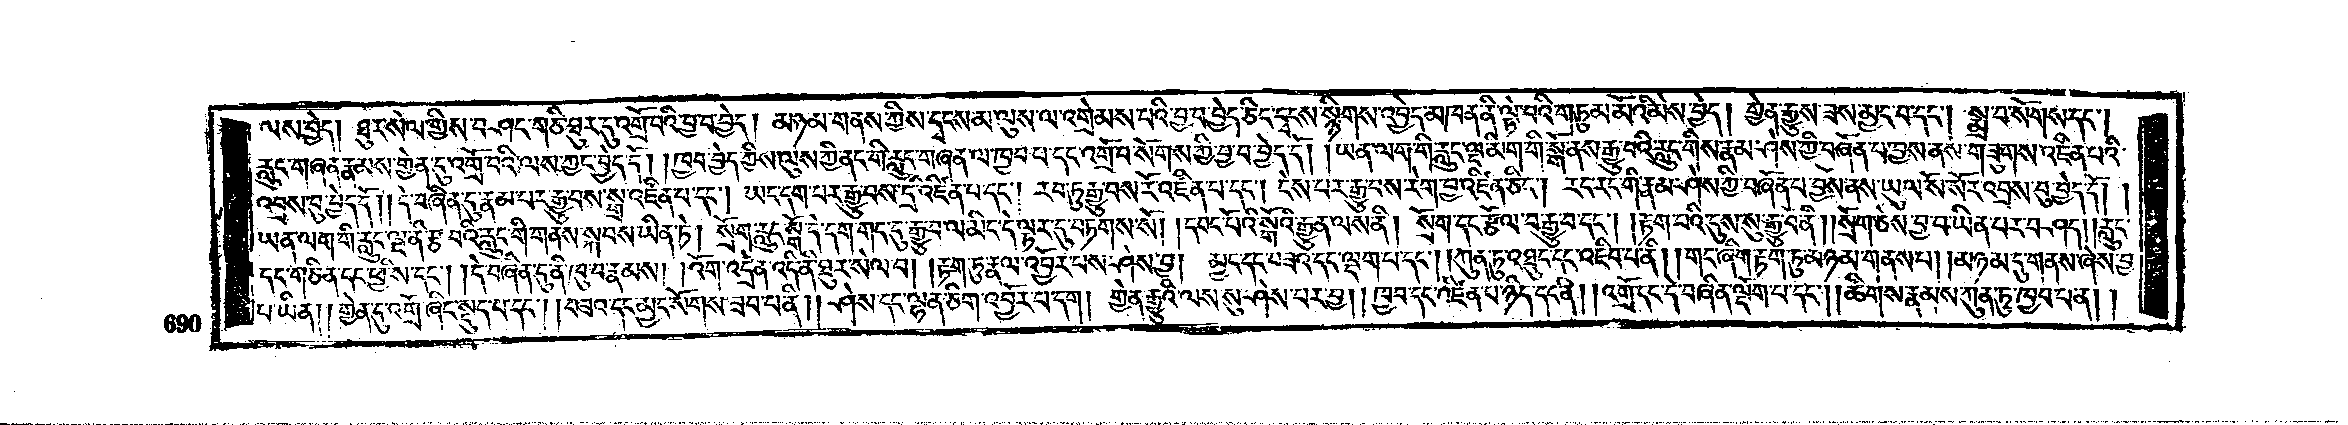ལས་བྱེད། ཐུར་སེལ་གྱིས་བཤད་གཅི་ཐུར་དུ་འགྲོ་བའི་བྱ་བ་བྱེད། མཉམ་གནས་ཀྱིས་དྭངས་མ་ལུས་ལ་འགྲེམས་པའི་བྱ་བ་བྱེད་ཅིང་དྭངས་སྙིགས་འབྱེད་མཁན་ནི་ལྟེ་བའི་གཏུམ་མོའི་མེས་བྱེད། གྱེན་རྒྱུས་ཟས་མྱང་བ་དང་། སྨྲ་བ་སོགས་དང་།
རླུང་གཞན་རྣམས་གྱེན་དུ་འགྲོ་བའི་ལས་ཀྱང་བྱེད་དོ། །ཁྱབ་བྱེད་ཀྱིས་ལུས་ཀྱི་ནང་གི་རླུང་གཞན་ལ་ཁྱབ་པ་དང་འགྲོ་བ་སོགས་ཀྱི་བྱ་བ་བྱེད་དོ། །ཡན་ལག་གི་རླུང་ལྔ་མིག་གི་སྒོ་ནས་རྒྱུ་བའི་རླུང་གིས་རྣམ་ཤེས་ཀྱི་བཞོན་པ་བྱས་ནས་གཟུགས་འཛིན་པའི་
འབྲས་བུ་བྱེད་དོ། །དེ་བཞིན་དུ་རྣམ་པར་རྒྱུ་བས་སྒྲ་འཛིན་པ་དང་། ཡང་དག་པར་རྒྱུ་བས་དྲི་འཛིན་པ་དང་། རབ་ཏུ་རྒྱུ་བས་རོ་འཛིན་པ་དང་། ངེས་པར་རྒྱུ་བས་རེག་བྱ་འཛིན་ཅིང་། རང་རང་གི་རྣམ་ཤེས་ཀྱི་བཞོན་པ་བྱས་ནས་ཡུལ་སོ་སོར་འབྲས་བུ་བྱེད་དོ། །
ཡན་ལག་གི་རླུང་ལྔ་ནི་རྩ་བའི་རླུང་གི་གནས་སྐབས་ཡིན་ཏེ། སྲོག་རླུང་སྒོ་དེ་དག་གང་དུ་རྒྱུ་བ་ལ་མིང་དེ་ལྟར་དུ་བཏགས་སོ། །དབང་པོའི་སྒོའི་རྒྱུན་ལས་ནི། སྲོག་དང་རྩོལ་བ་རྒྱུ་བ་དང་། །རྟག་པའི་དུས་སུ་རྒྱུ་བ་ནི། །སྲོག་ཅེས་བྱ་བ་ཡིན་པར་བཤད། །རླུང་
དང་གཅིན་དང་ཕྱི་ས་དང་། །དེ་བཞིན་དུ་ནི་ཁུ་བ་རྣམས། །འོག་འདྲེན་འདི་ནི་ཐུར་སེལ་བ། རྟག་ཏུ་རྣལ་འབྱོར་པས་ཤེས་བྱ། །མྱང་དང་བཟའ་དང་ལྡག་པ་དང་། །ཀུན་ཏུ་འཐུང་དང་འཇིབ་པ་ནི། །གང་ཞིག་རྟག་ཏུ་མཉམ་གནས་པ། །མཉམ་དུ་གནས་ཞེས་བྱ་
པ་ཡིན། །གྱེན་དུ་འགྲོ་ཞིང་སྡུད་པ་དང་། །བཟའ་དང་མྱང་སོགས་ཟབ་པ་ནི། །ཤེས་དང་ལྷན་ཅིག་འབྱོར་པ་དག། གྱེན་རྒྱུའི་ལས་སུ་ཤེས་པར་བྱ། །ཁྱབ་དང་འཛིན་པ་ཉིད་དང་ནི། །འགྲོ་དང་དེ་བཞིན་ལྡོག་པ་དང་། །ཚིགས་རྣམས་ཀུན་ཏུ་ཁྱབ་པ་ན། །